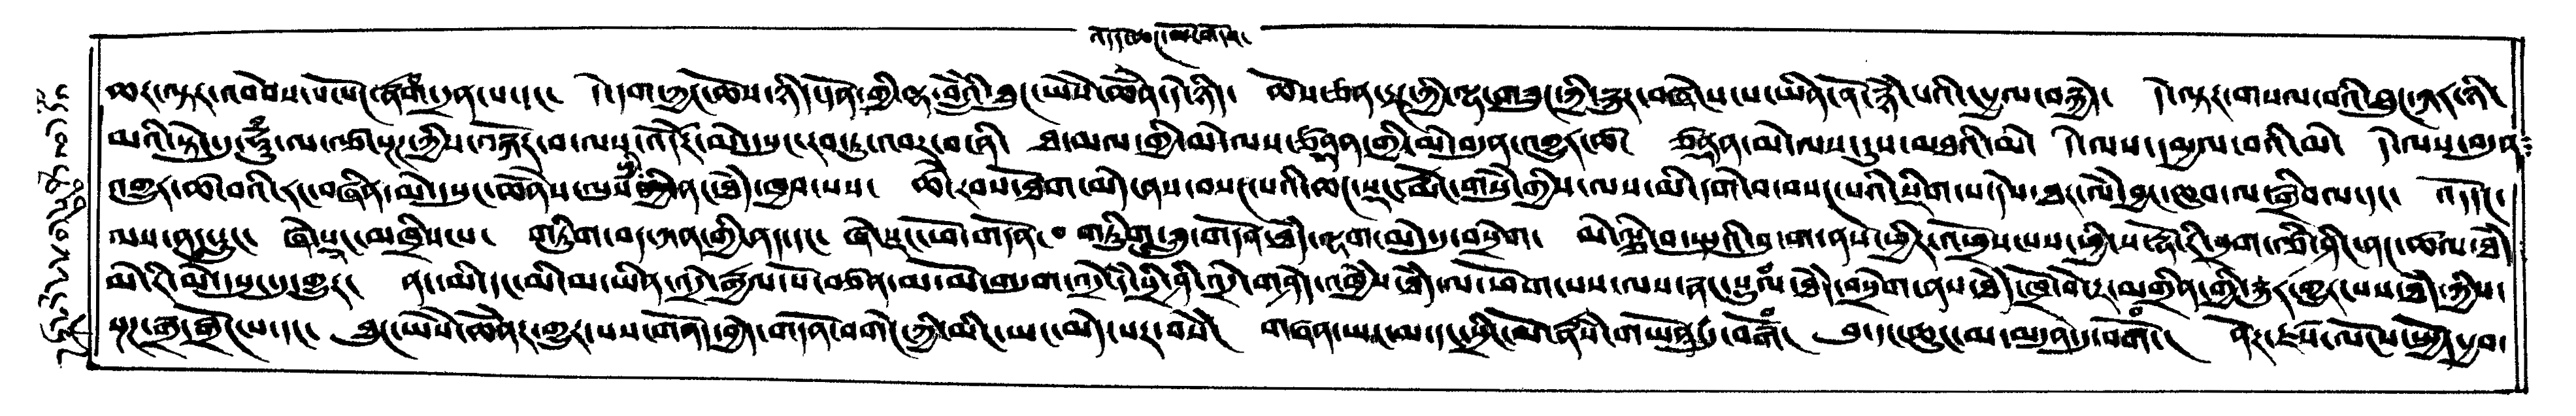ཆར་ལྟར་འབེབས་པ་སོགས་རྣམ་དག་དྲན་པ་དང་།དེ་དག་ཀྱང་ཆོས་ཉིད་དོན་གྱི་ལྷ་བླ་མའི་ཐུགས་ཡེ་ཤེས་ཆེན་པོ་དེ་ཉིད། ཆོས་ཅན་རྟགས་ཀྱི་གཟུགས་སྐུར་བཞེངས་པ་ཡིན་ནོ་སྙམ་པའི་ང་རྒྱལ་བསྐྱེད། དེ་ལྟར་གསལ་བའི་ཐུགས་ཀར་ཉི་
མའི་སྟེང་དུ་ཧཱུྃ་ལ་རྩ་སྔགས་ཀྱིས་བསྐོར་བ་ལས་འོད་ཟེར་མེ་དཔུང་རབ་ཏུ་འབར་བ་ནི། ཐ་མལ་གྱི་མེ་ལས་ཙནྡན་གྱི་མེ་བདུན་འགྱུར་ཚལ། ཙནྡན་གྱི་མེ་ལས་དུས་མཐའི་མེ་དང་། དེ་ལས་དཔྱལ་བའི་མེ། དེ་ལས་བདུན་
འགྱུར་གྱིས་ཚ་བའི་རང་བཞིན་གྱི་མེ་དཔུང་ཆེན་པོས་ལུས་ཕྱི་ནང་ཐམས་ཅད་ཁྱབ་པས། ཚེ་རབས་ཐོག་མེད་ནས་བསགས་པའི་ཆགས་སྡང་རྨོངས་གསུམ་གྱིས་ལས་མི་དགེ་བ་བསགས་པའི་སྡིག་པ་དེས་ཐར་ལམ་བྱང་ཆུབ་ལ་སྒྲིབ་པ་དང་། འདོད་ཆགས་
ལས་ནད་རླུང་། ཞེ་སྡང་མཁྲིས་པ། གཏི་མུག་བད་ཀན་གྱི་ནད་དང་། ཞེ་སྡང་ཕོ་གདོན།༼འདོད་ཆགས་མོ་གདོན།༽ གཏི་མུག་ཀླུ་གདོན་ཐམས་ཅད་ལྷག་མེད་དུ་བསྲེག། མེ་ལྕེ་བ་སྤུའི་བུ་ག་ནས་ཕྱིར་འཕྲོས་པས་ཕྱི་ས་རྡོ་རི་བྲག་རྩི་ཤིང་ནགས་ཚལ་ཐམས་ཅད་
མེ་རི་མེ་དཔུང་དུ་གྱུར། ནང་མི་དང་མི་མ་ཡིན་འདྲེ་རྒྱལ་པོ་བཙན་མ་མོ་གདུག་འདྲེ་དམ་སྲི་ཤི་འདྲེ་གཤེད་འཁྱམས་ཐམས་ཅད་ལ་ཕོག་པས་ལས་སྣང་སྡུག་བསྔལ་ཐམས་ཅད་བསྲེགས་ནས་ཐམས་ཅད་ཁྲོ་བོ་རྟ་མགྲིན་གྱི་སྐུར་གྱུར་པས་ཐམས་ཅད་ཀྱིས་
སྔགས་སྒྲ་སྒྲོགས་པ་དང་། ཐུགས་ཡེ་ཤེས་ཆེན་པོར་གྱུར་པས་གནོད་བྱེད་གདོན་བགེགས་ཀྱི་མིང་ཡང་མེད་པར་བསམ། གཞན་ཡང་མ་དང་སྲིང་མོ་རྣམས་གཡོན་དུ་བསྒོམ། བུ་དང་ཆུང་མ་མདུན་དུ་བསྒོམ། ནོར་རྫས་ལོངས་སྤྱོད་རྒྱབ་